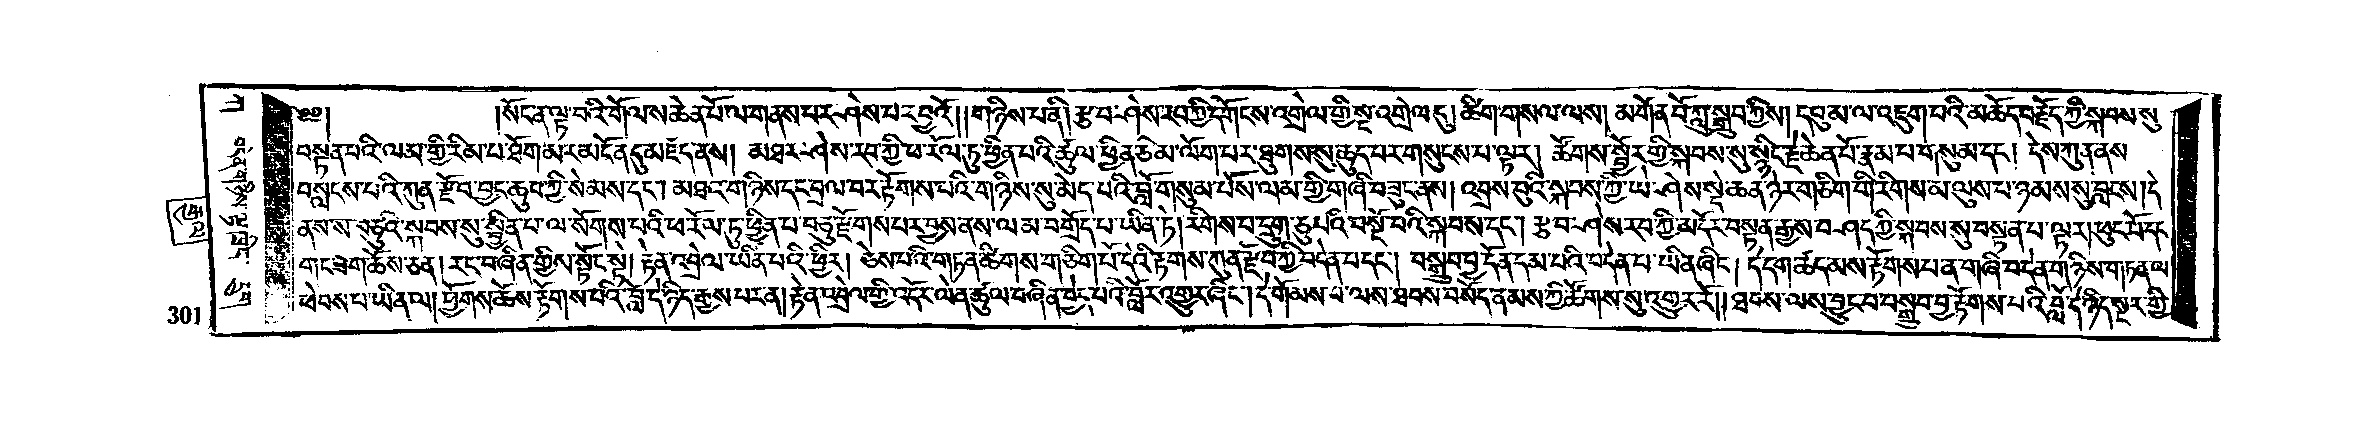༄༅། །སོང་ན་ལྟ་བའི་པོ་ལ་ས་ཆེན་པོ་ལ་གནས་པར་ཤེས་པར་བྱའོ། །གཉིས་པ་ནི། རྩ་བ་ཤེས་རབ་ཀྱི་དགོངས་འགྲེལ་གྱི་སྔ་འགྲེལ་དུ། ཚིགས་གསལ་ལས། མགོན་པོ་ཀླུ་སྒྲུབ་ཀྱིས། དབུ་མ་ལ་འཇུག་པའི་མཆོད་བརྗོད་ཀྱི་སྐབས་སུ་
བསྟན་པའི་ལམ་གྱི་རིམ་པ་ཐོག་མར་མངོན་དུ་མཛད་ནས། མཐར་ཤེས་རབ་ཀྱི་ཕ་རོལ་ཏུ་ཕྱིན་པའི་ཚུལ་ཕྱིན་ཅི་མ་ལོག་པར་ཐུགས་སུ་ཆུད་པར་གསུངས་པ་ལྟར། ཚོགས་སྦྱོར་གྱི་སྐབས་སུ་སྙིང་རྗེ་ཆེན་པོ་རྣམ་པ་གསུམ་དང་། དེས་ཀུན་ནས་
བསླངས་པའི་ཀུན་རྫོབ་བྱང་ཆུབ་ཀྱི་སེམས་དང་། མཐའ་གཉིས་དང་བྲལ་བར་རྟོགས་པའི་གཉིས་སུ་མེད་པའི་བློ་གསུམ་པོས་ལམ་གྱི་གཞི་བཟུང་ནས། འབྲས་བུའི་སྐབས་ཀྱི་ཡེ་ཤེས་སྡེ་ཆན་ཉེར་གཅིག་གི་རིགས་མ་ལུས་པ་ཉམས་སུ་བླངས། དེ་
ནས་ས་བཅུའི་སྐབས་སུ་སྦྱིན་པ་ལ་སོགས་པའི་ཕ་རོལ་ཏུ་ཕྱིན་པ་བཅུ་རྫོགས་པར་བྱས་ནས་ལམ་བགྲོད་པ་ཡིན་ཏེ། རིགས་པ་དྲུག་ཅུ་པའི་བསྔོ་བའི་སྐབས་དང་། རྩ་བ་ཤེས་རབ་ཀྱི་མདོར་བསྟན་རྒྱས་བཤད་ཀྱི་སྐབས་སུ་བསྟན་པ་ལྟར། ཕུང་པོ་དང་
གང་ཟག་ཆོས་ཅན། རང་བཞིན་གྱིས་སྟོང་སྟེ། རྟེན་འབྲེལ་ཡིན་པའི་ཕྱིར། ཅེས་པའི་གཏན་ཚིགས་གཅིག་པོ་དེའི་རྟགས་ཀུན་རྫོབ་ཀྱི་བདེན་པ་དང་། བསྒྲུབ་བྱ་དོན་དམ་པའི་བདེན་པ་ཡིན་ཞིང་། དེ་དག་ཚད་མས་རྟོགས་པ་ན་གཞི་བདེན་གཉིས་གཏན་ལ་
ཕེབས་པ་ཡིན་ལ། ཕྱོགས་ཆོས་རྟོགས་པའི་བློ་དེ་ཉིད་རྒྱས་པར་ན། རྟེན་འབྲེལ་གྱི་འདོར་ལེན་ཚུལ་བཞིན་བྱེད་པའི་བློར་འགྱུར་ཞིང་། དེ་གོམས་པ་ལས་ཐབས་བསོད་ནམས་ཀྱི་ཚོགས་སུ་འགྱུར་རོ། །ཐབས་ལས་བྱུང་བ་བསྒྲུབ་བྱ་རྟོགས་པའི་བློ་དེ་ཉིད་སྔར་གྱི་